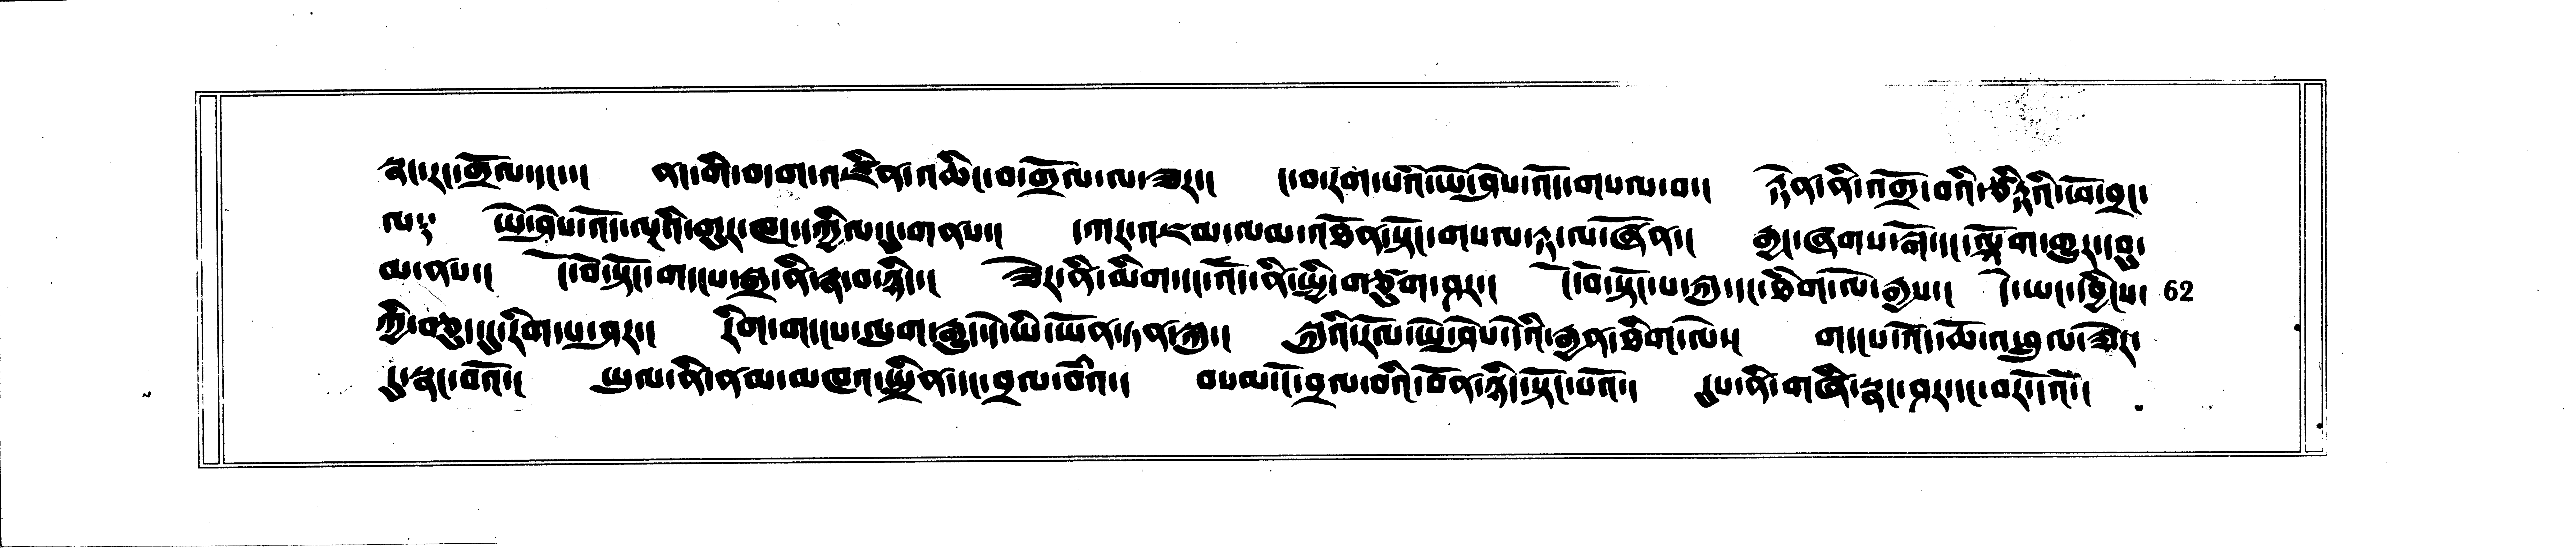སྣང་རང་གྲོལ་དང་། །ནང་གི་བདག་འཛིན་འཆིང་བ་གྲོལ་ཟེར། །ངོ་བོ་རིག་པའི་ཡེ་ཤེས་འོད་གསལ་བ། །རྟེན་ནི་འགྲོ་བའི་ཙིརྟའི་ཕོ་བྲང་
ལ། །ཡེ་ཤེས་འོད་ལྔའི་གུར་ཁང་དཀྱིལ་དུ་གནས། །དཀར་འཇམ་ལམ་ཐོན་སྟོང་གསལ་རྟ་ལ་ཞོན། །རྒྱང་ཞགས་སྒོ་དང་ལྐོག་གྱུར་དབུ་
མ་ནས། །ངོ་བོ་སྟོང་གདང་སྒྲ་ནི་རྣ་བ་ཉིད། །ཟེར་ནི་མིག་དང་འོད་ནི་སྤྱི་གཙུག་ཤར། །ངོ་བོ་སྟོང་པ་སྐུ་དང་ཐིག་ལེ་རྒྱས། །དེ་ཡང་དབྱིངས་
ཀྱི་བཅུད་དང་རིག་པ་ཤར། །རིག་གདང་ལུག་རྒྱུད་དེ་ཡི་ཡོན་ཏན་སྐུ། །སྐུའི་རོལ་ཡེ་ཤེས་དེའི་རྒྱན་ཐིག་ལེ། །གདངས་འོད་ཆོི་འཕྲུལ་ཟེར་
དུ་སྣང་བའོ། །ཡུལ་ནི་ནམ་མཁའ་སྤྲིན་དང་བྲལ་བའམ། །བསམ་ངོ་བྲལ་བའི་བོན་ཉིད་སྟོང་པའོ། །དུས་ནི་གཞི་སྣང་ཤར་དང་བར་དོ་འོ། །